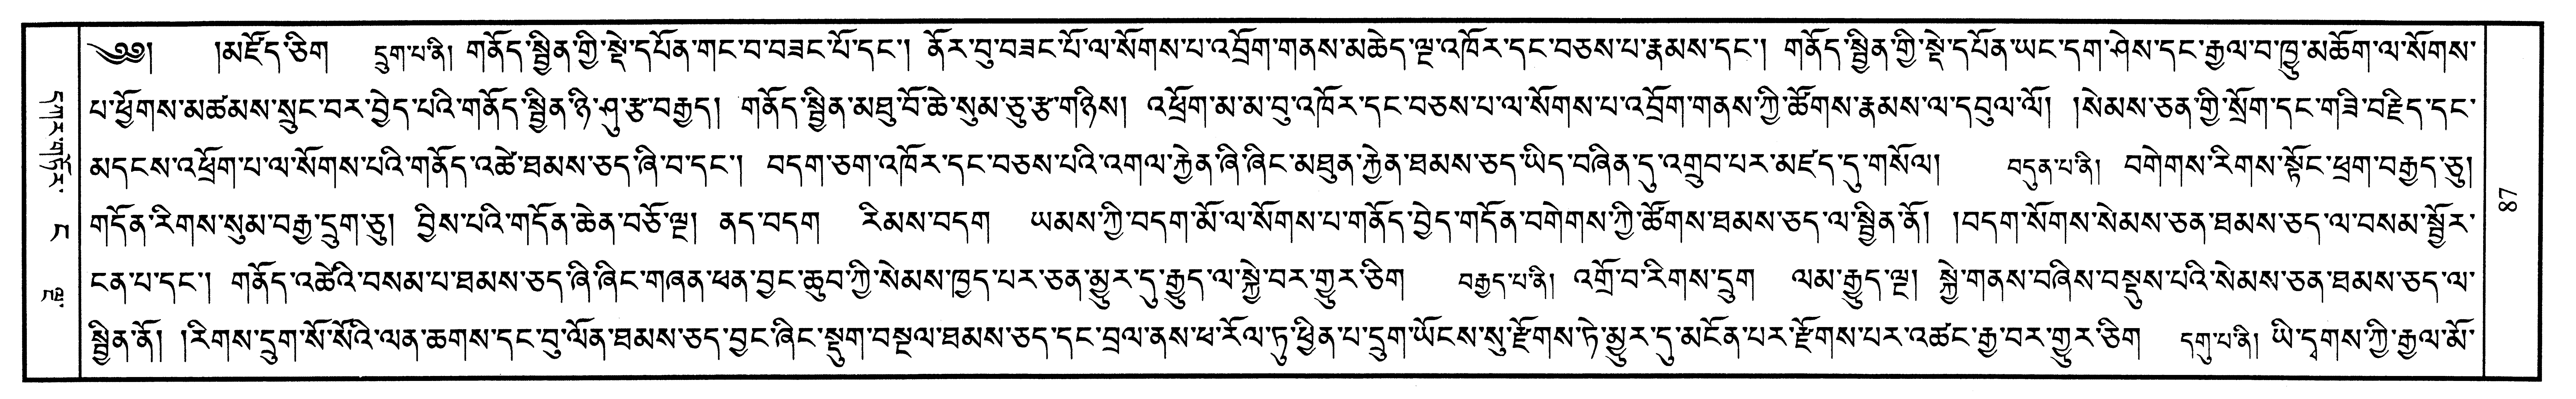༄༅། །མཛོད་ཅིག་དྲུག་པ་ནི། གནོད་སྦྱིན་གྱི་སྡེ་དཔོན་གང་བ་བཟང་པོ་དང་། ནོར་བུ་བཟང་པོ་ལ་སོགས་པ་འབྲོག་གནས་མཆེད་ལྔ་འཁོར་དང་བཅས་པ་རྣམས་དང་། གནོད་སྦྱིན་གྱི་སྡེ་དཔོན་ཡང་དག་ཤེས་དང་རྒྱལ་བ་ཁྱུ་མཆོག་ལ་སོགས་
པ་ཕྱོགས་མཚམས་སྲུང་བར་བྱེད་པའི་གནོད་སྦྱིན་ཉི་ཤུ་རྩ་བརྒྱད། གནོད་སྦྱིན་མཐུ་བོ་ཆེ་སུམ་ཅུ་རྩ་གཉིས། འཕྲོག་མ་མ་བུ་འཁོར་དང་བཅས་པ་ལ་སོགས་པ་འབྲོག་གནས་ཀྱི་ཚོགས་རྣམས་ལ་དབུལ་ལོ། །སེམས་ཅན་གྱི་སྲོག་དང་གཟི་བརྗིད་དང་
མདངས་འཕྲོག་པ་ལ་སོགས་པའི་གནོད་འཚེ་ཐམས་ཅད་ཞི་བ་དང་། བདག་ཅག་འཁོར་དང་བཅས་པའི་འགལ་རྐྱེན་ཞི་ཞིང་མཐུན་རྐྱེན་ཐམས་ཅད་ཡིད་བཞིན་དུ་འགྲུབ་པར་མཛད་དུ་གསོལ། བདུན་པ་ནི། བགེགས་རིགས་སྟོང་ཕྲག་བརྒྱད་ཅུ།
གདོན་རིགས་སུམ་བརྒྱ་དྲུག་ཅུ། བྱིས་པའི་གདོན་ཆེན་བཅོ་ལྔ། ནད་བདག །རིམས་བདག་ཡམས་ཀྱི་བདག་མོ་ལ་སོགས་པ་གནོད་བྱེད་གདོན་བགེགས་ཀྱི་ཚོགས་ཐམས་ཅད་ལ་སྦྱིན་ནོ། །བདག་སོགས་སེམས་ཅན་ཐམས་ཅད་ལ་བསམ་སྦྱོར་
ངན་པ་དང་། གནོད་འཚེའི་བསམ་པ་ཐམས་ཅད་ཞི་ཞིང་གཞན་ཕན་བྱང་ཆུབ་ཀྱི་སེམས་ཁྱད་པར་ཅན་མྱུར་དུ་རྒྱུད་ལ་སྐྱེ་བར་གྱུར་ཅིག །བརྒྱད་པ་ནི། འགྲོ་བ་རིགས་དྲུག་ལམ་རྒྱུད་ལྔ། སྐྱེ་གནས་བཞིས་བསྡུས་པའི་སེམས་ཅན་ཐམས་ཅད་ལ་
སྦྱིན་ནོ། །རིགས་དྲུག་སོ་སོའི་ལན་ཆགས་དང་བུ་ལོན་ཐམས་ཅད་བྱང་ཞིང་སྡུག་བསྔལ་ཐམས་ཅད་དང་བྲལ་ནས་ཕ་རོལ་ཏུ་ཕྱིན་པ་དྲུག་ཡོངས་སུ་རྫོགས་ཏེ་མྱུར་དུ་མངོན་པར་རྫོགས་པར་འཚང་རྒྱ་བར་གྱུར་ཅིག་དགུ་པ་ནི། ཡི་དྭགས་ཀྱི་རྒྱལ་མོ་